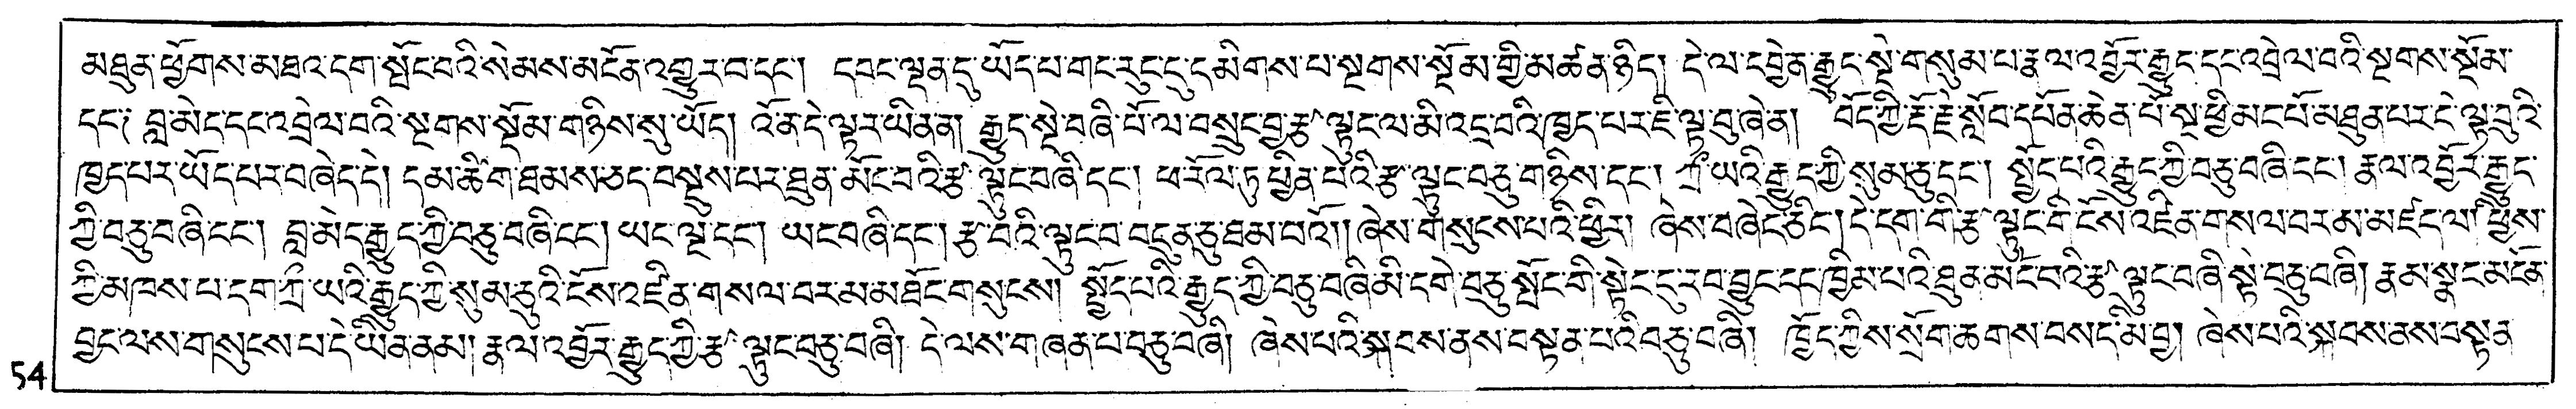མཐུན་ཕྱོགས་མཐའ་དག་སྤོང་བའི་སེམས་མངོན་འགྱུར་བ་དང་། དབང་ལྡན་དུ་ཡོད་པ་གང་རུང་དུ་དམིགས་པ་སྔགས་སྡོམ་གྱི་མཚན་ཉིད། དེ་ལ་དབྱེ་ན་རྒྱུད་སྡེ་གསུམ་པ་རྣལ་འབྱོར་རྒྱུད་དང་འབྲེལ་བའི་སྔགས་སྡོམ་
དང་། བླ་མེད་དང་འབྲེལ་བའི་སྔགས་སྡོམ་གཉིས་སུ་ཡོད། འོ་ན་དེ་ལྟར་ཡིན་ན། རྒྱུད་སྡེ་བཞི་པོ་ལ་བསྲུང་བྱ་རྩ་ལྟུང་ལ་མི་འདྲ་བའི་ཁྱད་པར་ཇི་ལྟ་བུ་ཞེ་ན། བོད་ཀྱི་རྡོ་རྗེ་སློབ་དཔོན་ཆེན་པོ་སྔ་ཕྱི་མང་པོ་མཐུན་པར་དེ་ལྟ་བུའི་
ཁྱད་པར་ཡོད་པར་བཞེད་དེ། དམ་ཚིག་ཐམས་ཅད་བསྡུས་པར་ཐུན་མོང་བའི་རྩ་ལྟུང་བཞི་དང་། ཕ་རོལ་ཏུ་ཕྱིན་པའི་རྩ་ལྟུང་བཅུ་གཉིས་དང་། ཀྲྀ་ཡའི་རྒྱུད་ཀྱི་སུམ་ཅུ་དང་། སྤྱོད་པའི་རྒྱུད་ཀྱི་བཅུ་བཞི་དང་། རྣལ་འབྱོར་རྒྱུད་
ཀྱི་བཅུ་བཞི་དང་། བླ་མེད་རྒྱུད་ཀྱི་བཅུ་བཞི་དང་། ཡང་ལྔ་དང་། ཡང་བཞི་དང་། རྩ་བའི་ལྟུང་བ་བདུན་ཅུ་ཐམ་པའོ། །ཞེས་གསུངས་པའི་ཕྱིར། ཞེས་བཞེད་ཅིང་། དེ་དག་གི་རྩ་ལྟུང་གི་ངོས་འཛིན་གསལ་བར་མ་མཛད་ལ། ཕྱིས་
ཀྱི་མཁས་པ་དག་ཀྲྀ་ཡའི་རྒྱུད་ཀྱི་སུམ་ཅུའི་ངོས་འཛིན་གསལ་བར་མ་མཐོང་གསུངས། སྤྱོད་པའི་རྒྱུད་ཀྱི་བཅུ་བཞི་མི་དགེ་བཅུ་སྤོང་གི་སྟེང་དུ་རབ་བྱུང་དང་ཁྱིམ་པའི་ཐུན་མོང་བའི་རྩ་ལྟུང་བཞི་སྟེ་བཅུ་བཞི། རྣམ་སྣང་མངོན་
བྱང་ལས་གསུངས་པ་དེ་ཡིན་ནམ། རྣལ་འབྱོར་རྒྱུད་ཀྱི་རྩ་ལྟུང་བཅུ་བཞི། དེ་ལས་གཞན་པ་བཅུ་བཞི། ཞེས་པའི་སྐབས་ནས་བསྟན་པའི་བཅུ་བཞི། ཁྱོད་ཀྱིས་སྲོག་ཆགས་བསད་མི་བྱ། ཞེས་པའི་སྐབས་ནས་བསྟན་